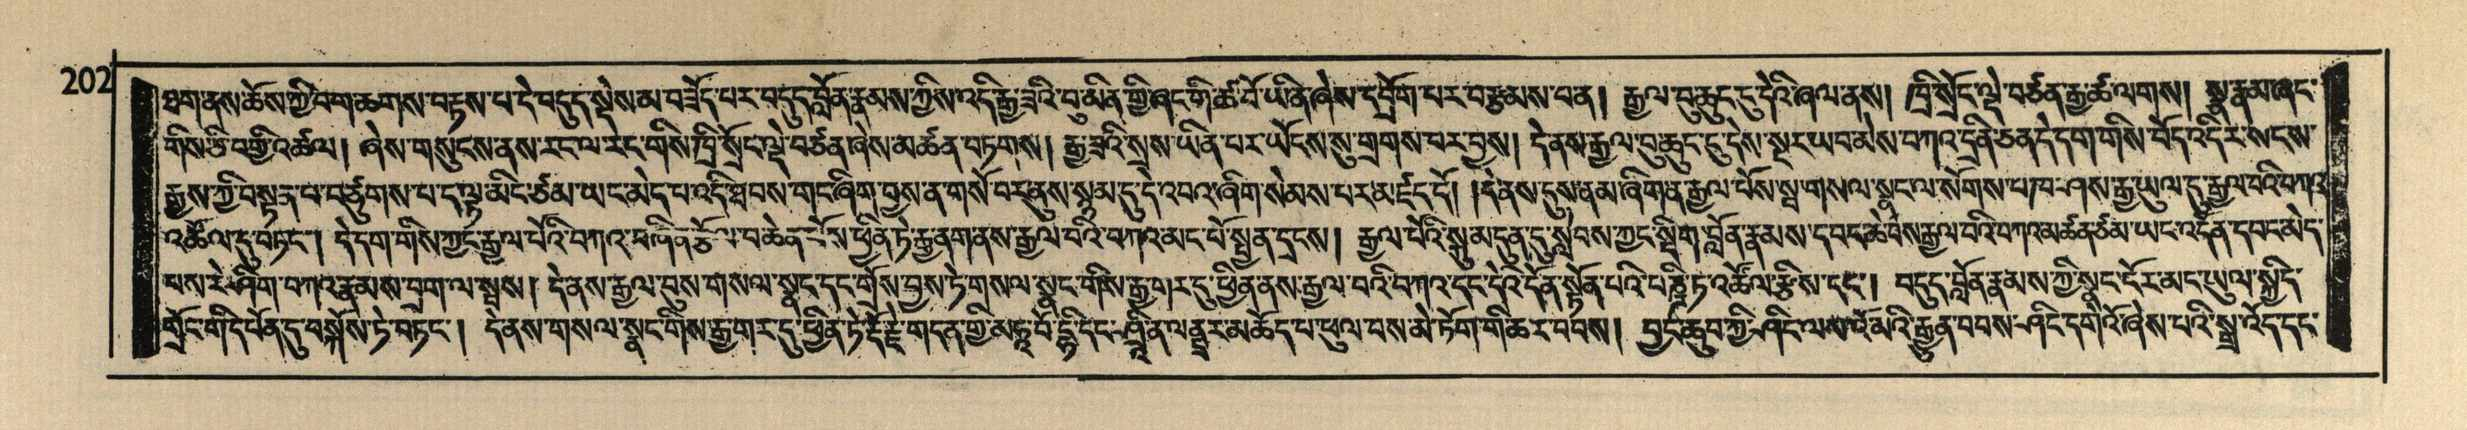ཐག་ནས་ཆོས་ཀྱི་བག་ཆགས་བརྟས་པ་དེ་བདུད་སྡེས་མ་བཟོད་པར་བདུད་བློན་རྣམས་ཀྱིས་འདི་རྒྱ་ཟའི་བུ་མིན་གྱི་ཞང་གི་ཚ་བོ་ཡིན་ཞེས་དབྲོག་པར་བརྩམས་པ་ན། རྒྱལ་བུ་ཆུང་དུ་དེའི་ཞལ་ནས། ཁྲི་སྲོང་ལྡེ་བཙན་རྒྱ་ཚ་ལགས། སྣ་རྣམ་ཞང་
གིས་ཅི་བགྱི་འཚལ། ཞེས་གསུངས་ནས་རང་ལ་རང་གིས་ཁྲི་སོང་ལྡེ་བཙན་ཞེས་མཚན་བཏགས། རྒྱ་ཟའི་སྲས་ཡིན་པར་ཡོངས་སུ་གྲགས་པར་བྱས། དེ་ནས་རྒྱལ་བུ་ཆུང་དུ་དེས་སྔར་ཡབ་མེས་བཀའ་དྲིན་ཅན་དེ་དག་གིས་བོད་འདིར་སངས་
རྒྱས་ཀྱི་བསྟན་པ་བཙུགས་པ་ད་ལྟ་མིང་ཙམ་ཡང་མེད་པ་འདི་ཐབས་གང་ཞིག་བྱས་ན་གསོ་བར་ནུས་སྙམ་དུ་དེ་འབའ་ཞིག་སེམས་པར་མཛད་དོ། །དེ་ནས་དུས་ནམ་ཞིག་ན་རྒྱལ་པོས་སྤ་གསལ་སྣང་ལ་སོགས་པ་ཁ་ཤས་རྒྱ་ཡུལ་དུ་རྒྱལ་བའི་བཀའ་
འཚོལ་དུ་བཏང་། དེ་དག་གིས་ཀྱང་རྒྱལ་པོའི་བཀའ་བཞིན་རྩོལ་བ་ཆེན་པོས་ཕྱིན་ཏེ་རྒྱ་ནག་ནས་རྒྱལ་བའི་བཀའ་མང་པོ་སྤྱན་དྲངས། རྒྱལ་པོའི་སྐུ་མདུན་དུ་སླེབས་ཀྱང་སྡིག་བློན་རྣམས་དབང་ཆེ་བས་རྒྱལ་བའི་བཀའ་མཚན་ཙམ་ཡང་འདོན་དབང་མེད་
པས་རེ་ཤིག་བཀའ་རྣམས་བྲག་ལ་སྦས། དེ་ནས་རྒྱལ་བུས་གསལ་སྣང་དང་གྲོས་བྱས་ཏེ་གསལ་སྣང་གིས་རྒྱ་གར་དུ་པྱིན་ནས་རྒྱལ་བའི་བཀའ་དང་དེའི་དོན་སྟོན་པའི་པཎྜི་ཏ་འཚོལ་རྩིས་དང་། བདུད་བློན་རྣམས་ཀྱི་སྣང་ངོར་མང་ཡུལ་སྐྱིད་
གྲོང་གི་དཔོན་དུ་བསྐོས་ཏེ་བཏང་། དེ་ནས་གསལ་སྣང་གིས་རྒྱ་གར་དུ་ཕྱིན་ཏེ་རྡོ་རྗེ་གདན་གྱི་མཧཱ་བོ་དྷི་དང་ཤྲཱི་ན་ལནྡྲར་མཆོད་པ་ཕུལ་བས་མེ་ཏོག་གི་ཆར་བབས། བྱང་ཆུབ་ཀྱི་ཤིང་ལས་འོ་མའི་རྒྱུན་བབས་ཤིང་དགེའོ་ཞེས་པའི་སྒྲ་འོད་དང་